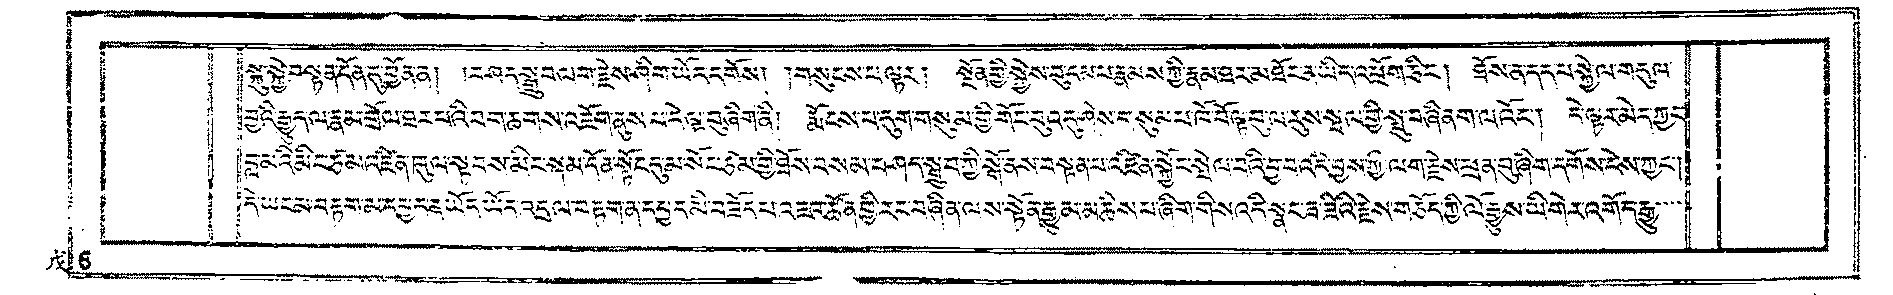སྐུ་སྐྱེ་བསྟན་དོན་དུ་བྱོན་ན། །བཤད་སྒྲུབ་ལག་རྗེས་ཤིག་ཡོད་དགོས། །གསུངས་པ་ལྟར། སྔོན་གྱི་སྐྱེས་བུ་དམ་པ་རྣམས་ཀྱི་རྣམ་ཐར་མཐོང་ན་ཡིད་འཕྲོག་ཅིང་། ཐོས་ན་དད་པ་སྐྱེ་ལ་གདུལ་
བྱའི་རྒྱུད་ལ་རྣམ་གྲོལ་ཐར་པའི་བག་ཆགས་འཇོག་ནུས་པ་དེ་ལྟ་བུ་ཞིག་ནི། རྨོངས་པ་དུག་གསུམ་གྱི་གོང་བུ་འདུ་ཤེས་གསུམ་པ་ཁོ་བོ་ལྟ་བུ་ལ་རུས་སྦལ་གྱི་སྤུ་བཞིན་ག་ལ་འོང་། དེ་ལྟར་མེད་ཀྱང་
བླ་མའི་མིང་ཙམ་འཛིན་ཁུལ་སྟབས་མིང་སྐམ་དོན་སྟོང་དུ་མ་སོང་ཙམ་གྱི་ཐོས་བསམ་བཤད་སྒྲུབ་ཀྱི་སྒོ་ནས་བསྟན་པ་འཛིན་སྐྱོང་སྤེལ་བའི་བྱ་བ་འདི་བྱས་ཀྱི་ལག་རྗེས་ཕྲན་བུ་ཞིག་དགོས་ངེས་ཀྱང་།
དེ་ཡང་མ་བརྟག་མ་དཔྱད་ན་ཡོད་ཡོད་འདྲ་ལ་བརྟག་ན་དཔྱད་མི་བཟོད་པ་འཇའ་ཚོན་གྱི་རང་བཞིན་ལས་སྟོན་རྒྱུ་མ་མཆིས་པ་ཞིག་གིས་འདི་སྣང་ཟ་ཟིའི་རྗེས་གཅོད་ཀྱི་ལོ་རྒྱུས་ཡི་གེར་འགོད་རྒྱུ་